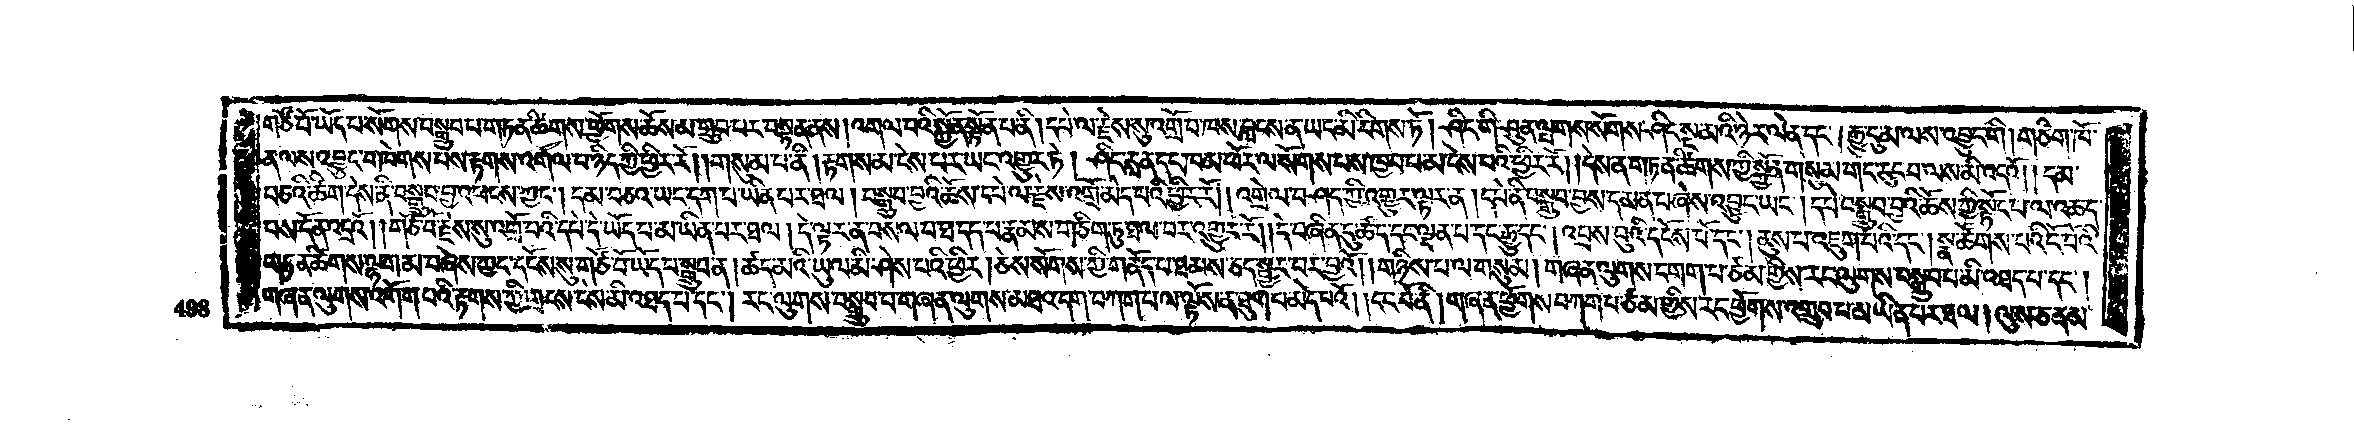གཙོ་བོ་ཡོད་པ་སོགས་བསྒྲུབ་པ་གཏན་ཚིགས་ཕྱོགས་ཆོས་མ་གྲུབ་པར་བསྟན་ནས། འགལ་བའི་སྐྱོན་སྟོན་པ་ནི། དཔེ་ལ་རྗེས་སུ་འགྲོ་བ་ཁས་བླངས་ན་ཡང་མི་རིགས་ཏོ། ཤིང་གི་ཤུན་ལྤགས་སོགས་ཤིང་ལྔ་མའི་ཉེར་ལེན་དང་། རྒྱུ་དུ་མ་ལས་འབྱུང་གི །གཅིག་ཁོ་
ན་ལས་འབྱུང་བ་ཁེགས་པས་རྟགས་འགལ་བ་ཉིད་ཀྱི་ཕྱིར་རོ། །གསུམ་པ་ནི། རྟགས་མ་ངེས་པར་ཡང་འགྱུར་ཏེ། ཤིང་རླན་དང་ཁམ་ཕོར་ལ་སོགས་པས་ཁྱབ་པ་མ་ངེས་པའི་ཕྱིར་རོ། །དེས་ན་གཏན་ཚིགས་ཀྱི་སྐྱོན་གསུམ་གང་རུང་བ་ལས་མི་འདའོ། །དམ་
བཅའི་ཚིག་དེས་ནི་བསྒྲུབ་བྱ་འཕངས་ཀྱང་། དམ་བཅའ་ཡང་དག་པ་ཡིན་པར་ཐལ། བསྒྲུབ་བྱའི་ཆོས་དཔེ་ལ་རྗེས་འགྲོ་མེད་པའི་ཕྱིར་རོ། །འགྲེལ་བཤད་ཀྱི་འགྱུར་ལྟར་ན། དཔེ་ནི་བསྒྲུབ་བྱས་དམན་པ་ཞེས་འབྱུང་ཡང་། དཔེ་བསྒྲུབ་བྱའི་ཆོས་ཀྱི་སྟོང་པ་ལ་འཆད་
པས་དོན་འདྲའོ། །གཙོ་བོ་རྗེས་སུ་འགྲོ་བའི་དཔེ་དེ་ཡོད་པ་མ་ཡིན་པར་ཐལ། དེ་ལྟར་ན་བསལ་བ་ཐ་དད་པ་རྣམས་གཅིག་ཏུ་ཐལ་བར་འགྱུར་རོ། །དེ་བཞིན་དུ་ཚད་དང་ལྡན་པ་དང་རྒྱུ་དང་། འབྲས་བུའི་དངོས་པོ་དང་། ནུས་པ་འཇུག་པའི་དང་། སྣ་ཚོགས་པའི་ངོ་བོའི་
གཏན་ཚིགས་ལྷག་མ་བཞེས་ཀྱང་དངོས་སུ་གཙོ་བོ་ཡོད་པ་སྒྲུབ་ན། ཚད་མའི་ཡུལ་མི་ཤེས་པའི་ཕྱིར། ཅེས་སོགས་ཀྱི་གནོད་པ་ཐམས་ཅད་སྦྱར་བར་བྱའོ། །གཉིས་པ་ལ་གསུམ། གཞན་ལུགས་དགག་པ་ཙམ་གྱིས་རང་ལུགས་བསྒྲུབ་པ་མི་འཐད་པ་དང་།
གཞན་ལུགས་འགོག་པའི་རྟགས་ཀྱི་གྲངས་ངེས་མི་འཐད་པ་དང་། རང་ལུགས་བསྒྲུབ་པ་གཞན་ལུགས་མཐའ་དག་བཀག་པ་ལ་ལྟོས་ན་ཐུག་པ་མེད་པའོ། །དང་པོ་ནི། གཞན་ཕྱོགས་བཀག་པ་ཙམ་གྱིས་རང་ཕྱོགས་འགྲུབ་པ་མ་ཡིན་པར་ཐལ། ལུས་ཅན་མ་